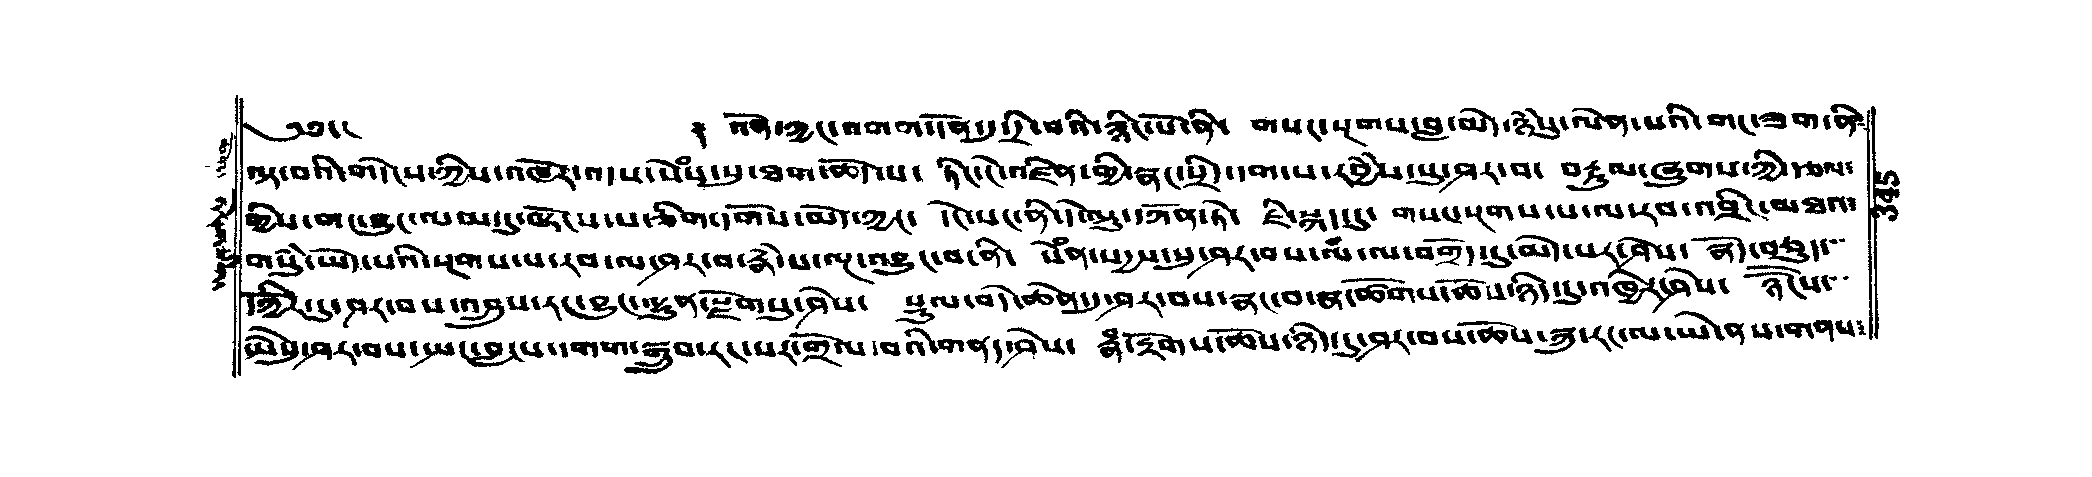༈ འོན་ཀྱང་འགག་དོན་དུ་དྲི་བའི་སྙིང་པོ་ནི། གསང་སྔགས་བླ་མེད་ཉམས་སུ་ལེན་པའི་གང་ཟག་ནི་
ལྟ་བའི་གདེངས་ཀྱིས་འཁོར་འདས་སེམས་སུ་ཐག་ཆོད་པ། ཏིང་ངེ་འཛིན་གྱི་སྣང་སྲིད་དག་པ་རབ་འབྱམས་སུ་ཤར་བ། བརྟུལ་ཞུགས་ཀྱི་རྩལ་
གྱིས་གང་བྱུང་ལམ་དུ་ལྷོངས་པ་གཅིག་མོད་ཀྱང་།དེང་སང་ནི་དེ་ལྟ་བུ་དཀོན་ཏེ། ཇི་སྐད་དུ། གསང་སྔགས་པ་ལ་རབ་འབྲིང་མཐའ་
གསུམ་ཡོད་པའི་སྔགས་པ་རབ་ལ་ཤར་བ་རྣམ་པ་ལྔ་འབྱུང་བ་ནི། སེམས་ཅན་སངས་རྒྱས་སུ་ཤར་བས་སྣང་བ་སྣ་ཚོགས་ཆོས་ཉིད་དུ་འཁྱེར་ཤེས། སྣོད་བཅུད་
དཀྱིལ་འཁོར་དུ་ཤར་བས་འབྲུས་རང་བྱུང་ལྷུན་རྫོགས་སུ་ཤེས་ སྡུལ་བདེ་ཆེན་དུ་ཤར་བས་ལམ་ལ་བགྲོད་དུ་མེད་པར་ཤོང་ ཉོན་མོངས་
ཡེ་ཤེས་སུ་ཤར་བས་སྤང་བླངས་འགག་སྒྲུབ་རང་སར་གྲོལ་བའི་གནད་ཤེས། རྣམ་རྟོག་ཆོས་ཉིད་དུ་ཤར་བས་ཆོས་སྐུ་རང་ལ་ཡེ་ནས་གནས་པའི་